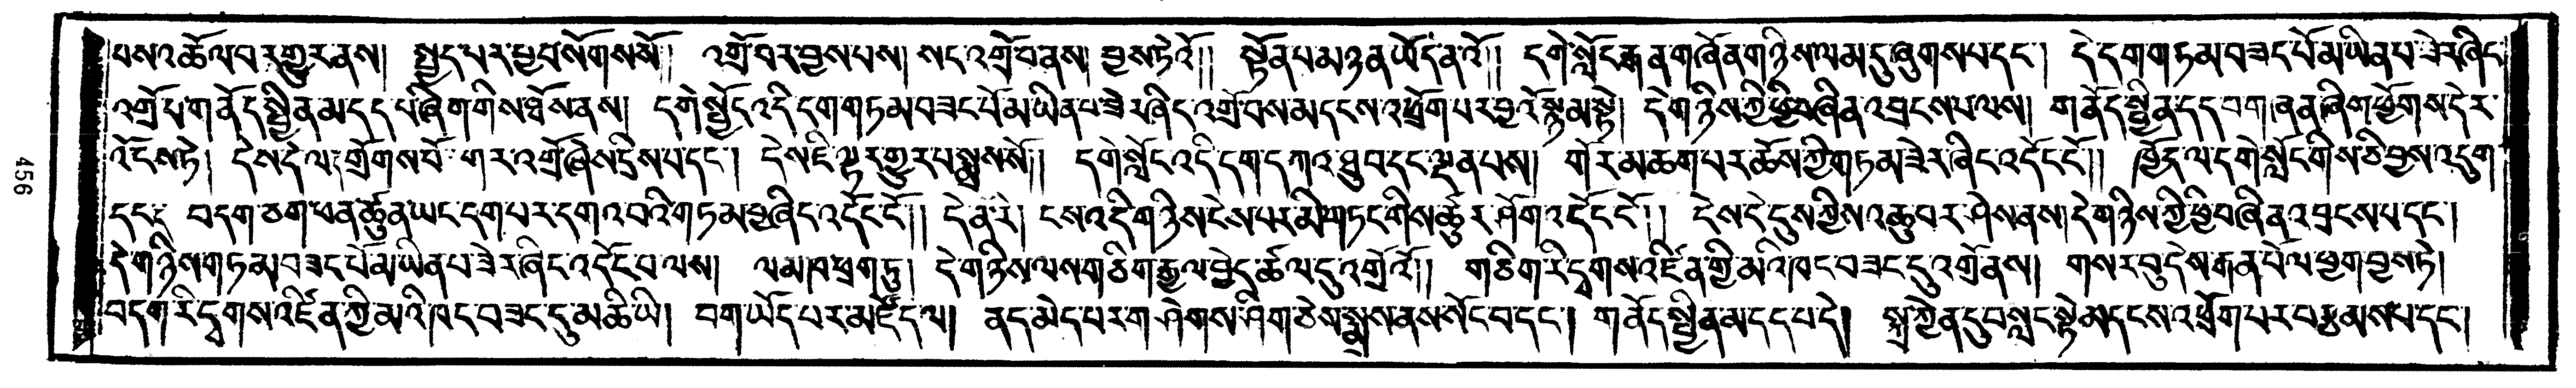པས་འཆོལ་བར་གྱུར་ནས། སྤྱད་པར་བྱ་བ་སོགས་སོ།། འགྲོ་བར་བྱས་པས། སང་འགྲོ་བ་ནས། བྱས་ཏེའོ།། སྟོན་པ་མཉན་ཡོད་ནའོ།། དགེ་སློང་རྒན་གཞོན་གཉིས་ལམ་དུ་ཞུགས་པ་དང་། དེ་དག་གཏམ་བཟང་པོ་མ་ཡིན་པ་ཟེར་ཞིང་
འགྲོ་པ་གནོད་སྦྱིན་མ་དད་པ་ཞིག་གིས་ཐོས་ནས། དགེ་སྦྱོང་འདི་དག་གཏམ་བཟང་པོ་མ་ཡིན་པ་ཟེར་ཞིང་འགྲོ་བས་མདངས་འཕྲོག་པར་བྱའོ་སྙམ་སྟེ། དེ་གཉིས་ཀྱི་ཕྱི་བཞིན་འབྲངས་པ་ལས། གནོད་སྦྱིན་དད་པ་གཞན་ཞིག་ཕྱོགས་དེར་
འོངས་ཏེ། དེས་དེ་ལ༑ གྲོགས་པོཿ གར་འགྲོ་ཞེས་དྲིས་པ་དང་། དེས་ཇི་ལྟར་གྱུར་པ་སྨྲས་སོ།། དགེ་སློང་འདི་དག་དཀའ་ཐུབ་དང་ལྡན་པས། གོར་མ་ཆག་པར་ཆོས་ཀྱི་གཏམ་ཟེར་ཞིང་འདོང་ངོ།། ཁྱོད་ལ་དགེ་སློང་གིས་ཅི་བྱས་འདུག་
དང༑ བདག་ཅག་ཕན་ཚུན་ཡང་དག་པར་དགའ་བའི་གཏམ་བྱ་ཞིང་འདོང་ངོ།། དེ་ན་རེ། ངས་འདི་གཉིས་ངེས་པར་མི་གཏང་གིས་ཚུར་ཤོག་འདོང་ངོ།། དེས་དེ་དུས་ཀྱིས་འཆུ་བར་ཤེས་ནས། དེ་གཉིས་ཀྱི་ཕྱི་བཞིན་འབྲངས་པ་དང་།
དེ་གཉིས་གཏམ་བཟང་པོ་མ་ཡིན་པ་ཟེར་ཞིང་འདོང་བ་ལས། ལམ་ཁ་ཕྲག་ཏུ། དེ་གཉིས་ལས་གཅིག་རྒྱལ་བྱེད་ཚལ་དུ་འགྲོའོ།། གཅིག་རི་དྭགས་འཛིན་གྱི་མའི་ཁང་བཟང་དུ་འགྲོ་ནས། གསར་བུ་དེས་རྒན་པོ་ལ་ཕྱག་བྱས་ཏེ།
བདག་རི་དྭགས་འཛིན་ཀྱི་མའི་ཁང་བཟང་དུ་མཆི་ཡི། བག་ཡོད་པར་མཛོད་ལ། ནད་མེད་པར་གཤེགས་ཤིག་ཅེས་སྨྲས་ནས་སོང་བ་དང་། གནོད་སྦྱིན་མ་དད་པ་དེ། སྐྲ་ཀྱེན་དུ་བསླང་སྟེ་མདངས་འཕྲོག་པར་བརྩམས་པ་དང་།